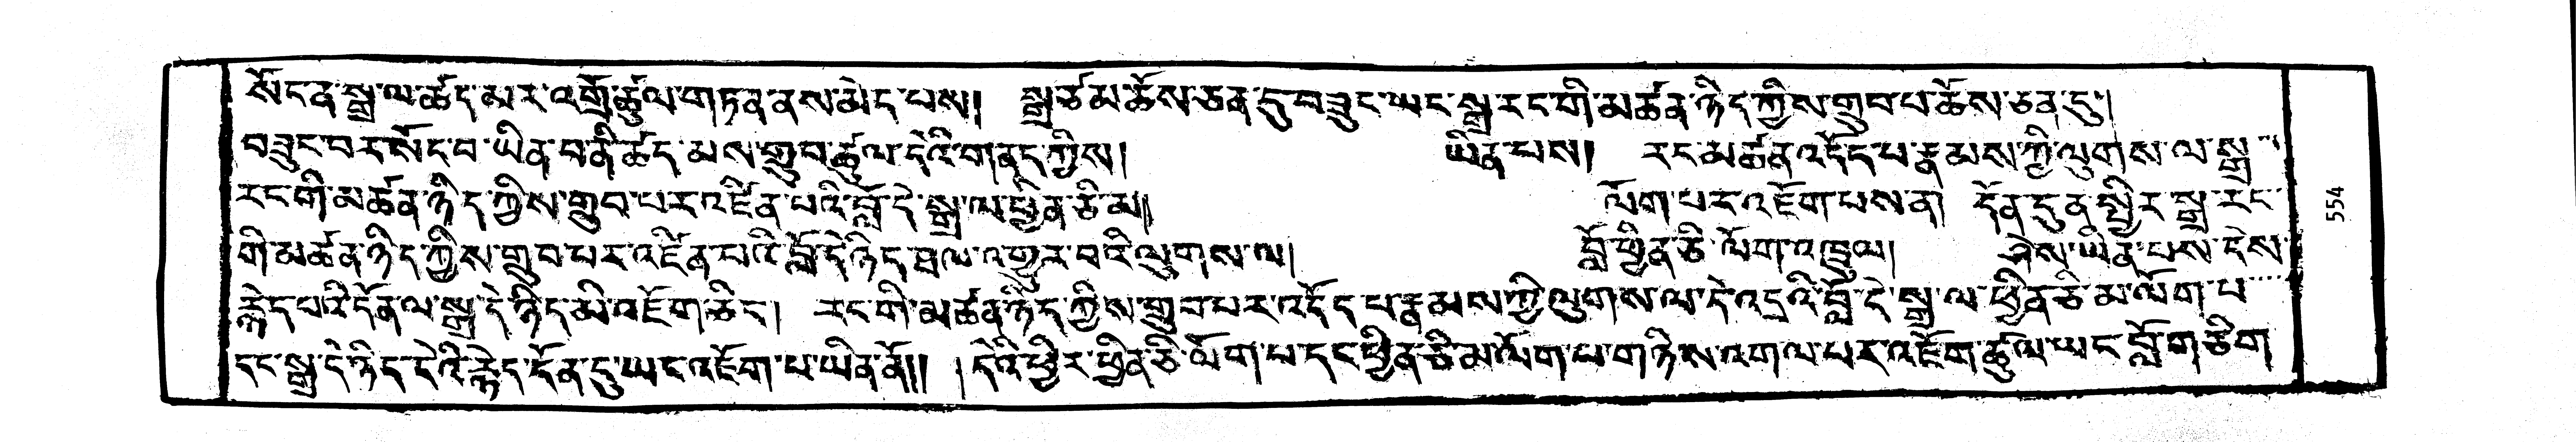སོང་ན་སྒྲ་ལ་ཚད་མར་འགྲོ་ཚུལ་གཏན་ནས་མེད་པས། སྒྲ་ཙམ་ཆོས་ཅན་དུ་བཟུང་ཡང་སྒྲ་རང་གི་མཚན་ཉིད་ཀྱིས་གྲུབ་པ་ཆོས་ཅན་དུ།
བཟུང་བར་སོང་བ་ཡིན་པ་ནི་ཚད་མས་གྲུབ་ཚུལ་དེའི་གནད་ཀྱིས། ཡིན་པས། རང་མཚན་འདོད་པ་རྣམས་ཀྱི་ལུགས་ལ་སྒྲ་
རང་གི་མཚན་ཉིད་ཀྱིས་གྲུབ་པར་འཛིན་པའི་བློ་དེ་སྒྲ་ལ་ཕྱིན་ཅི་མ། ལོག་པར་འཇོག་པས་ན། དོན་དུ་ན་སྤྱིར་སྒྲ་རང་
གི་མཚན་ཉིད་ཀྱིས་གྲུབ་པར་འཛིན་པའི་བློ་དེ་ཉིད་ཐལ་འགྱུར་བའི་ལུགས་ལ། བློ་ཕྱིན་ཅི་ལོག་འཁྲུལ། ཤེས་ཡིན་པས་དེས་
རྙེད་པའི་དོན་ལ་སྒྲ་དེ་ཉིད་མི་འཇོག་ཅིང་། རང་གི་མཚན་ཉིད་ཀྱིས་གྲུབ་པར་འདོད་པ་རྣམས་ཀྱི་ལུགས་ལ་དེ་འདྲའི་བློ་དེ་སྒྲ་ལ་ཕྱིན་ཅི་མ་ལོག་པ་
དང་སྒྲ་དེ་ཉིད་དེའི་རྙེད་དོན་དུ་ཡང་འཇོག་པ་ཡིན་ནོ།། །དེའི་ཕྱིར་ཕྱིན་ཅི་ལོག་པ་དང་ཕྱིན་ཅི་མ་ལོག་པ་གཉིས་འགལ་པར་འཇོག་ཚུལ་ཡང་བློ་གཅིག་